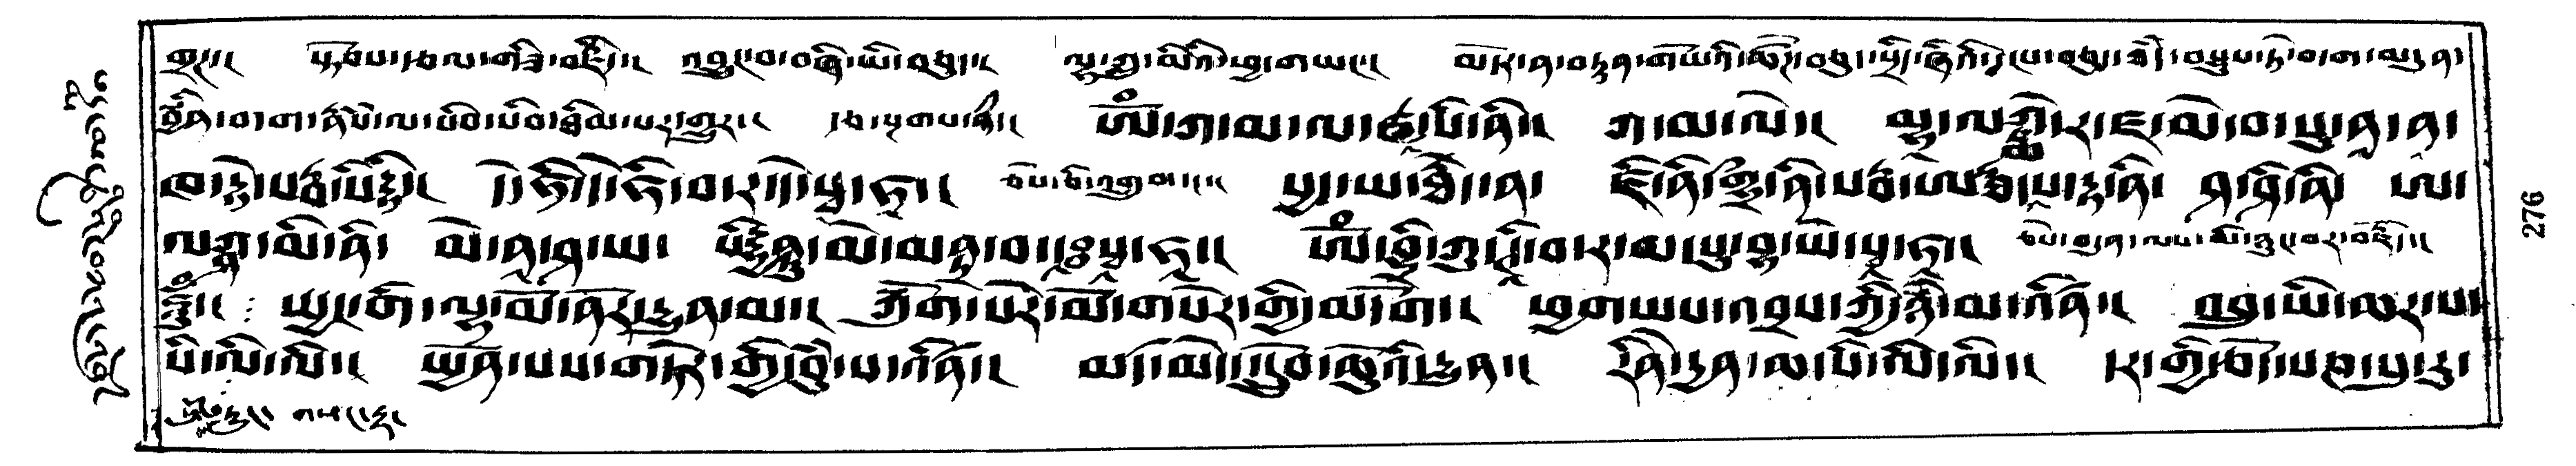གྲགས། སྟོབས་རྩལ་གཟི་བརྗིད། འབྱུང་བ་བཞི་ཡི་བཅུད། ལྷ་ཀླུ་མིའི་ཕྱྭ་གཡང་། མདོར་ན་བརྟན་གཡོའི་ཚོགས་བཅུད་སྲིད་ཞིའི་དྭངས་བཅུད་ཐམས་ཅད་བསྡུས་ཏེ་བདག་མདུན་
སྦྱིན་བདག་རྣམས་ལ་སིབ་སིབ་ཐིམ་པར་གྱུར། རྩ་སྔགས་ནི། ཨོཾ་ཀ་མ་ལ་ཝཱ་སི་ནི། ཀ་མ་ལེ། མ་ཧཱ་ལཀྴི་མེ་ར་ཛ་མེ་བ་སུ་ནཱ་ནཱ་
ཁ་དྷེ་སརྦ་སིདྡྷི། དེ་ཧི་དེ་ཧི་བ་ར་དེ་སྭ་ཧཱ། ཅེས་ཅི་འགྲུབ་དང་། སད་ཡ་རྠེད་ན། ཛི་ནི་གྷྲྀ་ནི་སརྦ་ཨརྠ་སཱ་དྷ་ནི། ཤ་ཤི་ནི། ཨ་
ལཀྴི་མི་ནི། མེ་ནཱ་ཤ་ཡ། སིདྡྷྱནྟུ་མེ་མནྟྲ་བ་དཱཿསྭ་ཧཱ། ཨོཾ་བྷྲི་ཀུ་ཊཱི་བ་ར་མ་སུ་བྷ་ཡེ་སྭ་ཧཱ། ཅེས་བདུན་ལས་མི་ཉུང་བར་བརྗོད། 
ཧཱུྃ། གཡང་གི་ལྷ་མོ་ནོར་རྒྱུན་མ། །སྐུ་མདོག་སེར་མོ་གསེར་གྱི་མདོག །ཕྱག་གཡས་འབྲས་ཀྱི་སྙི་མ་འཛིན། །འབྲུ་ཡི་ཆར་པ་
སི་ལི་ལི། །གཡོན་པས་གཏེར་གྱི་བུམ་པ་འཛིན། །མཛད་མེད་དངོས་གྲུབ་ཆུ་བོའི་རྒྱུན། །རིནཆེན་རྒྱན་ཆ་སི་ལི་ལི། །དར་གྱི་ཅོད་པཎ་བུ་རུ་